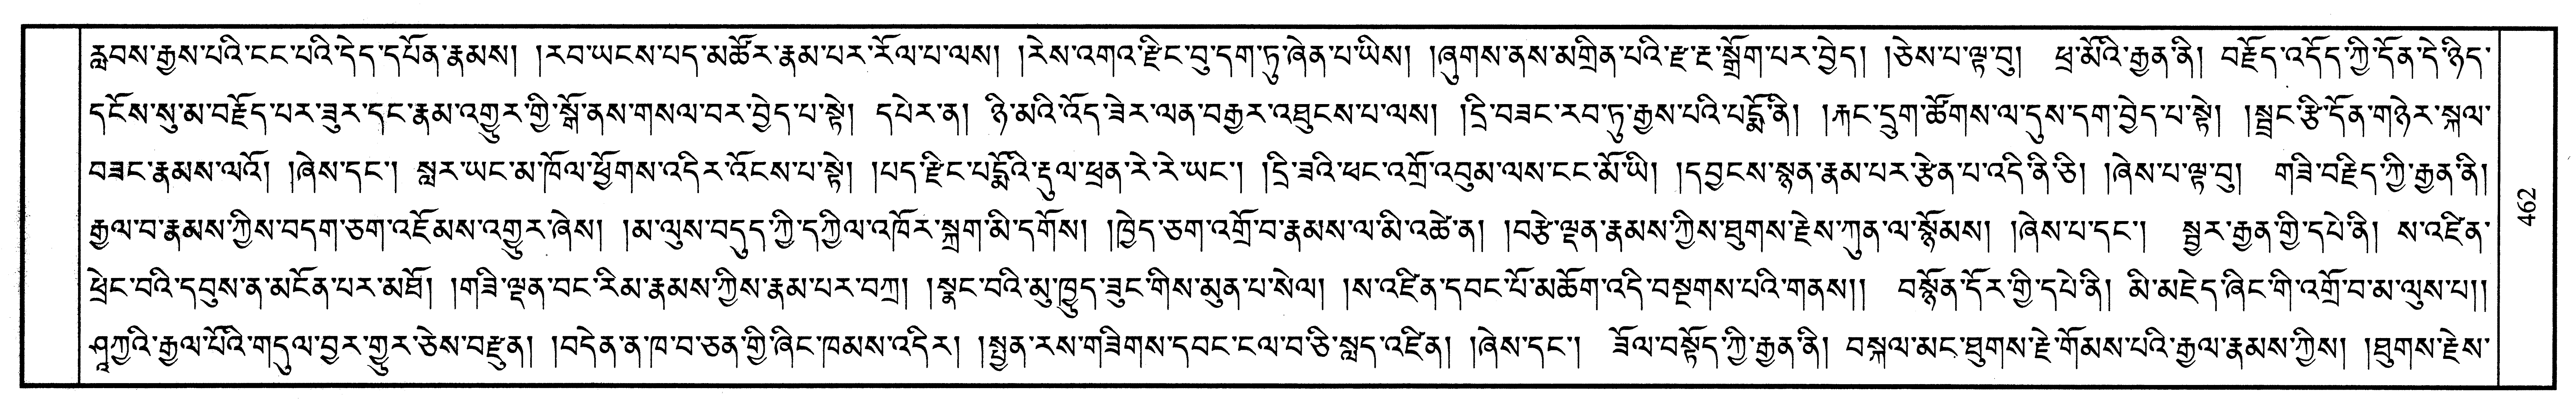རླབས་རྒྱས་པའི་ངང་པའི་དེད་དཔོན་རྣམས། །རབ་ཡངས་པད་མཚོར་རྣམ་པར་རོལ་པ་ལས། །རེས་འགའ་རྫིང་བུ་དག་ཏུ་ཞེན་པ་ཡིས། །ཞུགས་ནས་མགྲིན་པའི་རྫ་རྔ་སྒྲོག་པར་བྱེད། །ཅེས་པ་ལྟ་བུ། ཕྲ་མོའི་རྒྱན་ནི། བརྗོད་འདོད་ཀྱི་དོན་དེ་ཉིད་
དངོས་སུ་མ་བརྗོད་པར་ཟུར་དང་རྣམ་འགྱུར་གྱི་སྒོ་ནས་གསལ་བར་བྱེད་པ་སྟེ། དཔེར་ན། ཉི་མའི་འོད་ཟེར་ལན་བརྒྱར་འཐུངས་པ་ལས། །དྲི་བཟང་རབ་ཏུ་རྒྱས་པའི་པདམོ་ནི། །རྐང་དྲུག་ཚོགས་ལ་དུས་དག་བྱེ་དཔ་སྟེ། །སྦྲང་རྩི་དོན་གཉེར་སྐལ་
བཟང་རྣམས་ལའོ། །ཞེས་དང་། སླར་ཡང་མ་ཁོལ་ཕྱོགས་འདིར་འོངས་པ་སྟེ། །པད་རྫིང་པདམོའི་རྡུལ་ཕྲན་རེ་རེ་ཡང་། །དྲི་ཟའི་ཕང་འགྲོ་འབུམ་ལས་ངང་མོ་ཡི། །དབྱངས་སྙན་རྣམ་པར་རྩེན་པ་འདི་ནི་ཅི། །ཞེས་པ་ལྟ་བུ། གཟི་བརྗིད་ཀྱི་རྒྱན་ནི།
རྒྱལ་བ་རྣམས་ཀྱིས་བདག་ཅག་འཇོམས་འགྱུར་ཞེས། །མ་ལུས་བདུད་ཀྱི་དཀྱིལ་འཁོར་སྐྲག་མི་དགོས། །ཁྱེད་ཅག་འགྲོ་བ་རྣམས་ལ་མི་འཚེ་ན། །བརྩེ་ལྡན་རྣམས་ཀྱིས་ཐུགས་རྗེས་ཀུན་ལ་སྙོམས། །ཞེས་པ་དང་། སྦྱར་རྒྱན་གྱི་དཔེ་ནི། ས་འཛིན་
ཕྲེང་བའི་དབུས་ན་མངོན་པར་མཐོ། །གཟི་ལྡན་བང་རིམ་རྣམས་ཀྱིས་རྣམ་པར་བཀྲ། །སྣང་བའི་མུ་ཁྱུད་ཟུང་གིས་མུན་པ་སེལ། །ས་འཛིན་དབང་པོ་མཆོག་འདི་བསྔགས་པའི་གནས།། སྙོན་དོར་གྱི་དཔེ་ནི། མི་མཇེད་ཞིང་གི་འགྲོ་བ་མ་ལུས་པ།།
ཤཱཀྱའི་རྒྱལ་པོའི་གདུལ་བྱར་གྱུར་ཅེས་བརྫུན། །བདེན་ན་ཁ་བ་ཅན་གྱི་ཞིང་ཁམས་འདིར། །སྤྱན་རས་གཟིགས་དབང་ངལ་བ་ཅི་སླད་འཛིན། །ཞེས་དང་། ཟོལ་བསྟོད་ཀྱི་རྒྱན་ནི། བསྐལ་མང་ཐུགས་རྗེ་གོམས་པའི་རྒྱལ་རྣམས་ཀྱིས། །ཐུགས་རྗེས་